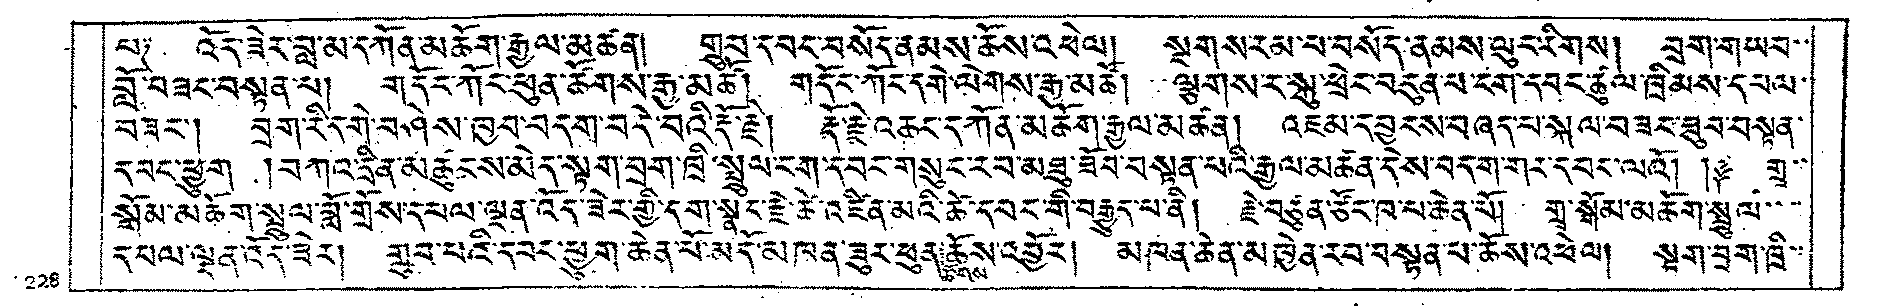པ༑ འོད་ཟེར་བླ་མ་དཀོན་མཆོག་རྒྱལ་མཚན། གྲུབ་དབང་བསོད་ནམས་ཆོས་འཕེལ། སྔགས་རམ་པ་བསོད་ནམས་ལུང་རིགས། བྲག་གཡབ་
བློ་བཟང་བསྟན་པ། གདོང་ཀོང་ཕུན་ཚོགས་རྒྱ་མཚོ། གདོང་ཀོང་དགེ་ལེགས་རྒྱ་མཚོ། ལྕགས་ར་སྐུ་ཕྲེང་བདུན་པ་ངག་དབང་ཚུལ་ཁྲིམས་དཔལ་
བཟང་། བྲག་རི་དགེ་བཤེས་ཁྱབ་བདག་བདེ་བའི་རྡོ་རྗེ། རྡོ་རྗེ་འཆང་དཀོན་མཆོག་རྒྱལ་མཚན། འཇམ་དབྱངས་བཞད་པ་སྐལ་བཟང་ཐུབ་བསྟན་
དབང་ཕྱུག །བཀའ་དྲིན་མཚུངས་མེད་སྟག་བྲག་ཁྲི་སྤྲུལ་ངག་དབང་གསུང་རབ་མཐུ་ཐོབ་བསྟན་པའི་རྒྱལ་མཚན་དེས་བདག་གར་དབང་ལའོ། །༈ གྲྭ་
སྒོམ་མཆོག་སྤྲུལ་བློ་གྲོས་དཔལ་ལྡན་འོད་ཟེར་གྱི་དག་སྣང་རྗེ་ཚེ་འཛིན་མའི་ཚེ་དབང་གི་བརྒྱུད་པ་ནི། རྗེ་བཙུན་ཙོང་ཁ་པ་ཆེན་པོ། གྲྭ་སྒོམ་མཆོག་སྤྲུལ་
དཔལ་ལྡན་འོད་ཟེར། གྲུབ་པའི་དབང་ཕྱུག་ཆེན་པོ་མདོ་མཁན་ཟུར་ཕུན་ཚོགས་ཆོས་འབྱོར། མཁན་ཆེན་མཁྱེན་རབ་བསྟན་པ་ཆོས་འཕེལ། སྟག་བྲག་ཁྲི་